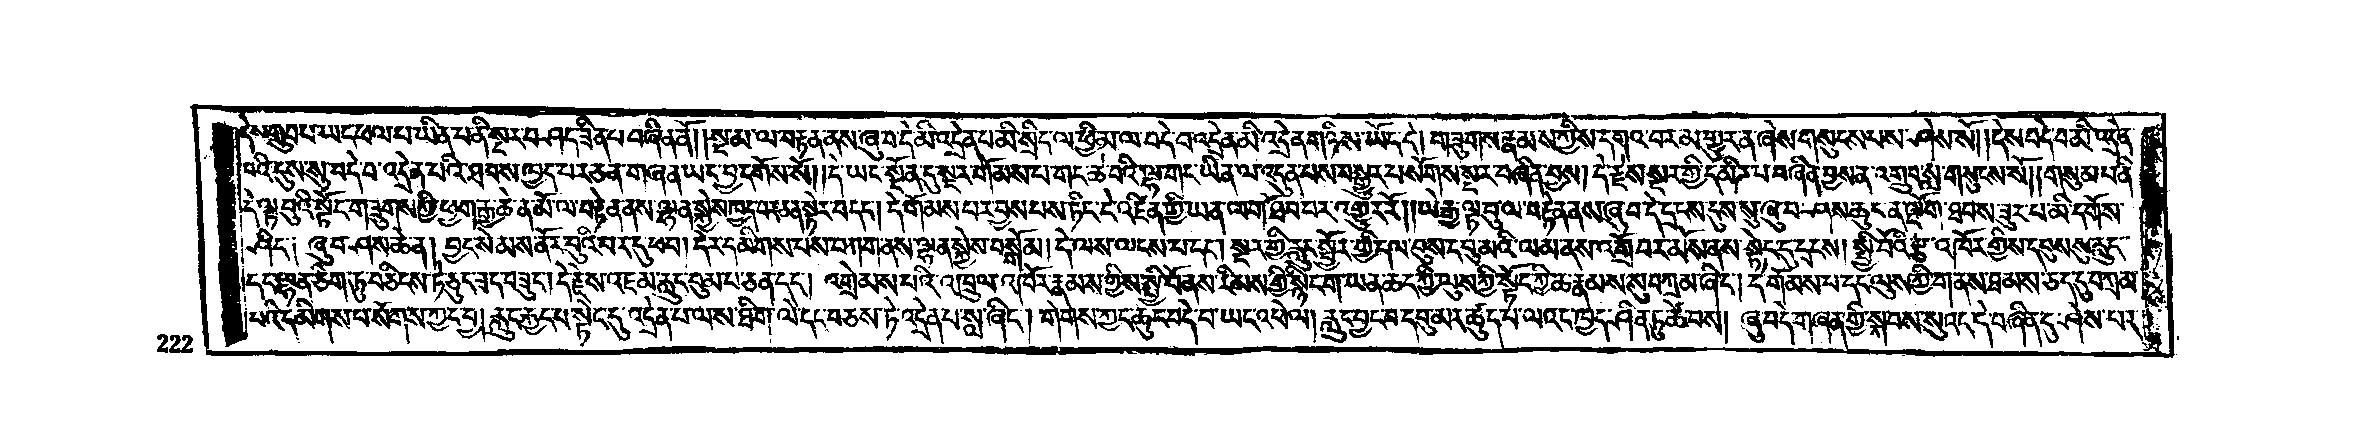དེས་གྲུབ་པ་ཡང་ཕལ་པ་ཡིན་པ་ནི་སྔར་བཤད་ཟིན་པ་བཞིན་ནོ། །སྔ་མ་ལ་བརྟན་ནས་ཞུ་བ་དེ་མི་འདྲེན་པ་མི་སྲིད་ལ་ཕྱི་མ་ལ་བདེ་བ་འདྲེན་མི་འདྲེན་གཉིས་ཡོད་དེ། གཟུགས་རྣམས་ཀྱིས་དགའ་བར་མ་གྱུར་ན་ཞེས་གསུངས་པས་ཤེས་སོ། །དེས་བདེ་བ་མི་འདྲེན་
པའི་དུས་སུ་བདེ་བ་འདྲེན་པའི་ཐབས་ཁྱད་པར་ཅན་གཞན་ཡང་བྱ་དགོས་སོ། །དེ་ཡང་སྔོན་དུ་སྔར་གོམས་པ་གང་ཆེ་བའི་ལྷ་གང་ཡིན་ལ་འདུན་པས་བསྒྱུར་བ་སོགས་སྔར་བཞིན་བྱས། དེ་རྗེས་སྔར་གྱི་དམིགས་པ་བཞིན་བྱས་ན་འགྲུབ་སླ་གསུངས་སོ། །གསུམ་པ་ནི་
དེ་ལྟ་བུའི་སྟོང་གཟུགས་ཀྱི་ཕྱག་རྒྱ་ཆེན་མོ་ལ་བརྟེན་ནས་ལྷན་སྐྱེས་ཁྱད་པར་ཅན་སྟེར་བ་དང་། དེ་གོམས་པར་བྱས་པས་ཏིང་ངེ་འཛིན་གྱི་ཡན་ལག་ཐོབ་པར་འགྱུར་རོ། །ཡེ་རྒྱ་ལྟ་བུ་ལ་བརྟེན་ནས་ཞུ་བ་དེ་དྲངས་དུས་སུ་ཞུ་བ་ཤས་ཆུང་ན་ལྡོག་ཐབས་ཟུར་པ་མི་དགོས་
ཤིང་། ཞུ་བ་ཤད་ཆེ་ན། བྱང་སེམས་ནོར་བུའི་བར་དུ་ཕབ། དེར་དམིགས་པས་བཀག་ནས་ལྷན་སྐྱེས་བསྒོམ། དེ་ལས་ལངས་པ་དང་། སྔར་གྱི་རླུང་སྦྱོར་གྱི་དལ་བུས་དབུ་མའི་ལམ་ནས་འགྲོ་བར་མོས་ནས་སྟེང་དུ་དྲངས། སྤྱི་བོའི་རྩ་འཁོར་གྱིས་དབུས་སུ་རླུང་
དང་ལྷན་ཅིག་ཏུ་བཅིངས་ཏེ་ཅུང་ཟད་བཟུང་། དེ་རྗེས་འཇམ་རླུང་བུམ་པ་ཅན་དང་། འགྲེམས་པའི་འཁྲུལ་འཁོར་རྣམས་ཀྱིས་སྤྱི་བོ་ནས་རིམ་གྱི་སྙིང་ག་ཡན་ཆད་ཀྱི་ལུས་ཀྱི་སྟོང་ཀྱི་ཆ་རྣམས་སུ་བཀྲམ་ཞིང་། དེ་གོམས་པ་དང་ལུས་ཀྱི་གནས་ཐམས་ཅད་དུ་བཀྲམ་
པའི་དམིགས་པ་སོགས་ཀྱང་བྱ། རླུང་རྐྱང་པ་སྟེང་དུ་འདྲེན་པ་ལས་ཐིག་ལེ་དང་བཅས་ཏེ་འདྲེན་པ་སླ་ཞིང་། གེགས་ཀྱང་ཆུང་བདེ་བ་ཡང་འཕེལ། རླུང་བྱང་བ་དབུ་མར་ཚུད་པ་ལའང་ཁྱད་ཤིན་ཏུ་ཚེ་བས། ཞུ་བདེ་གཞན་གྱི་སྐབས་སུའང་དེ་བཞིན་དུ་ཤེས་པར་